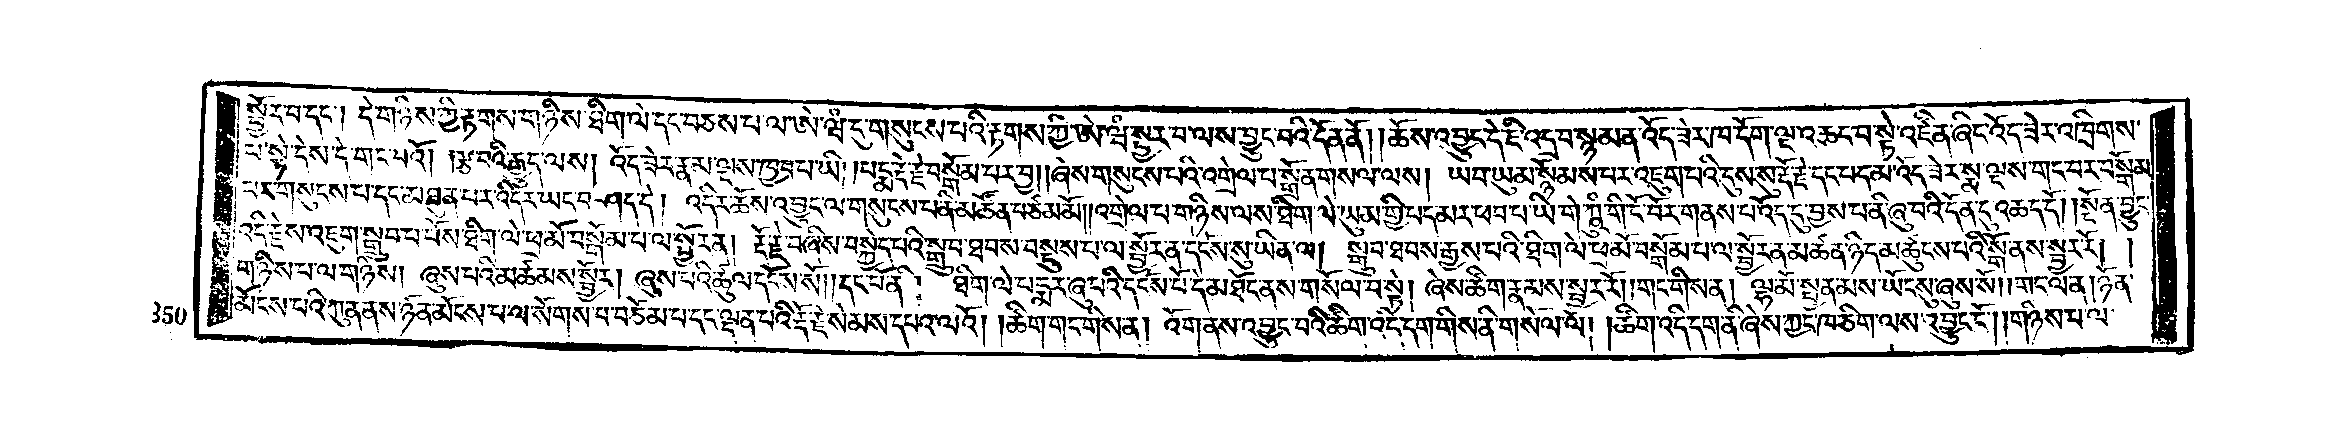སྦྱོར་བ་དང་། དེ་གཉིས་ཀྱི་རྟགས་གཉིས་ཐིག་ལེ་དང་བཅས་པ་ལ་ཨེ་ཝཾ་དུ་གསུངས་པའི་རྟགས་ཀྱི་ཨེ་ཝཾ་སྦྱར་བ་ལས་བྱུང་བའི་དོན་ནོ། །ཆོས་འབྱུང་དེ་ཇི་འདྲ་བ་སྙམ་ན་འོད་ཟེར་ཁ་དོག་ལྔ་འཆང་བ་སྟེ་འཛིན་ཞིང་འོད་ཟེར་འཁྲིགས་
པ་སྟེ་དེས་དེ་གང་བའོ། །རྩ་བའི་རྒྱུད་ལས། འོད་ཟེར་རྣམ་ལྔས་ཁྱབ་པ་ཡི། །པདམ་རྡོ་རྗེ་བསྒོམ་པར་བྱ། །ཞེས་གསུངས་པའི་འགྲེལ་པ་སྒྲོན་གསལ་ལས། ཡབ་ཡུམ་སྙོམས་པར་འཇུག་པའི་དུས་སུ་རྡོ་རྗེ་དང་པད་མ་འོད་ཟེར་སྣ་ལྔས་གང་བར་བསྒོམ་
པར་གསུངས་པ་དང་མཐུན་པར་འདིར་ཡང་བཤད་དེ། འདིར་ཆོས་འབྱུང་ལ་གསུངས་པ་ནི་མཚོན་པ་ཙམ་མོ། །འགྲེལ་པ་གཉིས་ལས་ཐིག་ལེ་ཡུམ་གྱི་པད་མར་ཕབ་པ་ཡི་གེ་ཀྵུཾ་གི་ངོ་བོར་གནས་པ་འོད་དུ་བྱས་པ་ནི་ཞུ་བའི་དོན་དུ་འཆད་དོ། །སྔོན་བྱུང་
འདི་རྗེས་འཇུག་སྒྲུབ་པ་པོས་ཐིག་ལེ་ཕྲ་མོ་བསྒོམ་པ་ལ་སྦྱོར་ན། རྡོ་རྗེ་བཞིས་བསྐྱེད་པའི་སྒྲུབ་ཐབས་བསྡུས་པ་ལ་སྦྱོར་ན་དངོས་སུ་ཡིན་ལ། སྒྲུབ་ཐབས་རྒྱས་པའི་ཐིག་ལེ་ཕྲ་མོ་བསྒོམ་པ་ལ་སྦྱོར་ན་མཚན་ཉིད་མཚུངས་པའི་སྒོ་ནས་སྦྱར་རོ། །
གཉིས་པ་ལ་གཉིས། ཞུས་པའི་མཚམས་སྦྱོར། ཞུས་པའི་ཚུལ་དངོས་སོ། །དང་པོ་ནི། ཐིག་ལེ་པདམར་ཞུ་བའི་དངོས་པོ་དེ་མཐོང་ནས་གསོལ་བ་སྟེ། ཞེས་ཚིག་རྣམས་སྦྱར་རོ། །གང་གིས་ན། ལྷ་མོ་སྤྱན་མས་ཡོངས་སུ་ཞུས་སོ། །གང་ལ་ན། ཉོན་
མོངས་པའི་ཀུན་ནས་ཉོན་མོངས་པ་ལ་སོགས་པ་བཅོམ་པ་དང་ལྡན་པའི་རྡོ་རྗེ་སེམས་དཔའ་ལའོ། །ཚིག་གང་གིས་ན། འོག་ནས་འབྱུང་བའི་ཚིག་འདི་དག་གིས་ནི་གསོལ་ལོ། །ཚིག་འདི་དག་ནི་ཞེས་ཀྱང་ཁ་ཅིག་ལས་འབྱུང་ངོ། །གཉིས་པ་ལ་